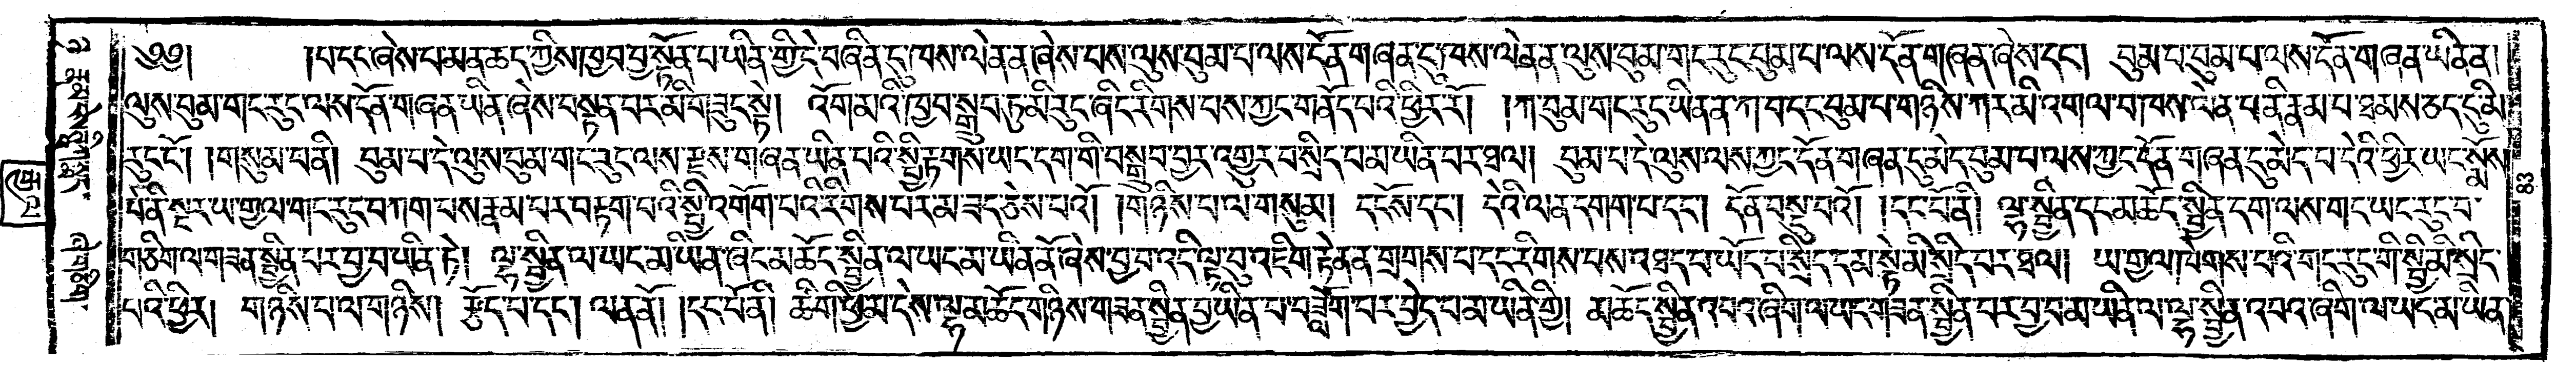༄༅། །པ་དང་ཞེས་པ་མན་ཆད་ཀྱིས་ཁྱབ་བྱ་སྟོན་པ་ཡིན་གྱི་དེ་བཞིན་དུ་ཁས་ལེན་ན་ཞེས་པས་ལུས་བུམ་པ་ལས་དོན་གཞན་དུ་ཁས་ལེན་ན་ལུས་བུམ་གང་རུང་བུམ་པ་ལས་དོན་གཞན་ཞེས་དང་། བུམ་པ་བུམ་པ་ལས་དོན་གཞན་ཡིན་ན།
ལུས་བུམ་གང་རུང་ལས་དོན་གཞན་ཡིན་ཞེས་བསྟན་པར་མི་གཟུང་སྟེ། འོག་མའི་ཁྱབ་སྒྲུབ་ཏུ་མི་རུང་ཞིང་རིགས་པས་ཀྱང་གནོད་པའི་ཕྱིར་རོ། །ཀ་བུམ་གང་རུང་ཡིན་ན་ཀ་བ་དང་བུམ་པ་གཉིས་ཀར་མི་འགལ་བ་ཁས་ལེན་པ་ནི་རྣམ་པ་ཐམས་ཅད་དུ་མི་
རུང་ངོ། །གསུམ་པ་ནི། བུམ་པ་དེ་ལུས་བུམ་གང་ཟུང་ལས་རྫས་གཞན་ཡིན་པའི་སྤྱི་རྟགས་ཡང་དག་གི་བསྒྲུབ་བྱར་འགྱུར་བ་སྲིད་བ་མ་ཡིན་བར་ཐལ། བུམ་པ་དེ་ལུས་ལས་ཀྱང་དོན་གཞན་དུ་མེད་བུམ་པ་ལས་ཀྱང་དོན་གཞན་དུ་མེད་པ་དེའི་ཕྱིར་ཡང་སྨོས་
པེ་ནི་སྔར་ཡ་གྱལ་གང་རུང་བཀག་པས་རྣམ་པར་བརྟག་པའི་སྤྱི་འགོག་པའི་རིགས་པར་མ་ཟད་ཅེས་པའོ། །གཉིས་པ་ལ་གསུམ། དངོས་དང་། དེའི་ལན་དགག་པ་དང་། དོན་བསྡུ་བའོ། །དང་པོ་ནི། ལྷ་སྦྱིན་དང་མཆོད་སྦྱིན་དག་ལས་གང་ཡང་རུང་བ་
གཅིག་ལ་གཟན་སྦྱིན་པར་བྱ་བ་ཡིན་ཏེ། ལྷ་སྦྱིན་ལ་ཡང་མ་ཡིན་ཞིང་མཆོད་སྦྱིན་ལ་ཡང་མ་ཡིན་ནོ་ཞེས་བྱ་བ་འདི་ལྟ་བུ་འཇིག་རྟེན་ན་གྲགས་པ་དང་རིགས་པས་འཐད་པ་ཡོད་པ་སྲིད་དམ་སྟེ་མི་སྲིད་པར་ཐལ། ཡ་གྱལ་ཁེགས་པའི་གང་རུང་གི་སྤྱི་མི་སྲིད་
པའི་ཕྱིར། གཉིས་པ་ལ་གཉིས། རྩོད་པ་དང་། ལན་ནོ། །དང་པོ་ནི། ཚིག་ཕྱི་མ་དེས་ལྷ་མཆོད་གཉིས་གཟན་སྦྱིན་བྱ་ཡིན་པ་བཟློག་པར་བྱེད་པ་མ་ཡིན་གྱི། མཆོད་སྦྱིན་འབའ་ཞིག་ལ་ཡང་གཞན་སྦྱིན་པར་བྱ་བ་མ་ཡིན་ལ་ལྷ་སྦྱིན་འབའ་ཞིག་ལ་ཡང་མ་ཡིན་